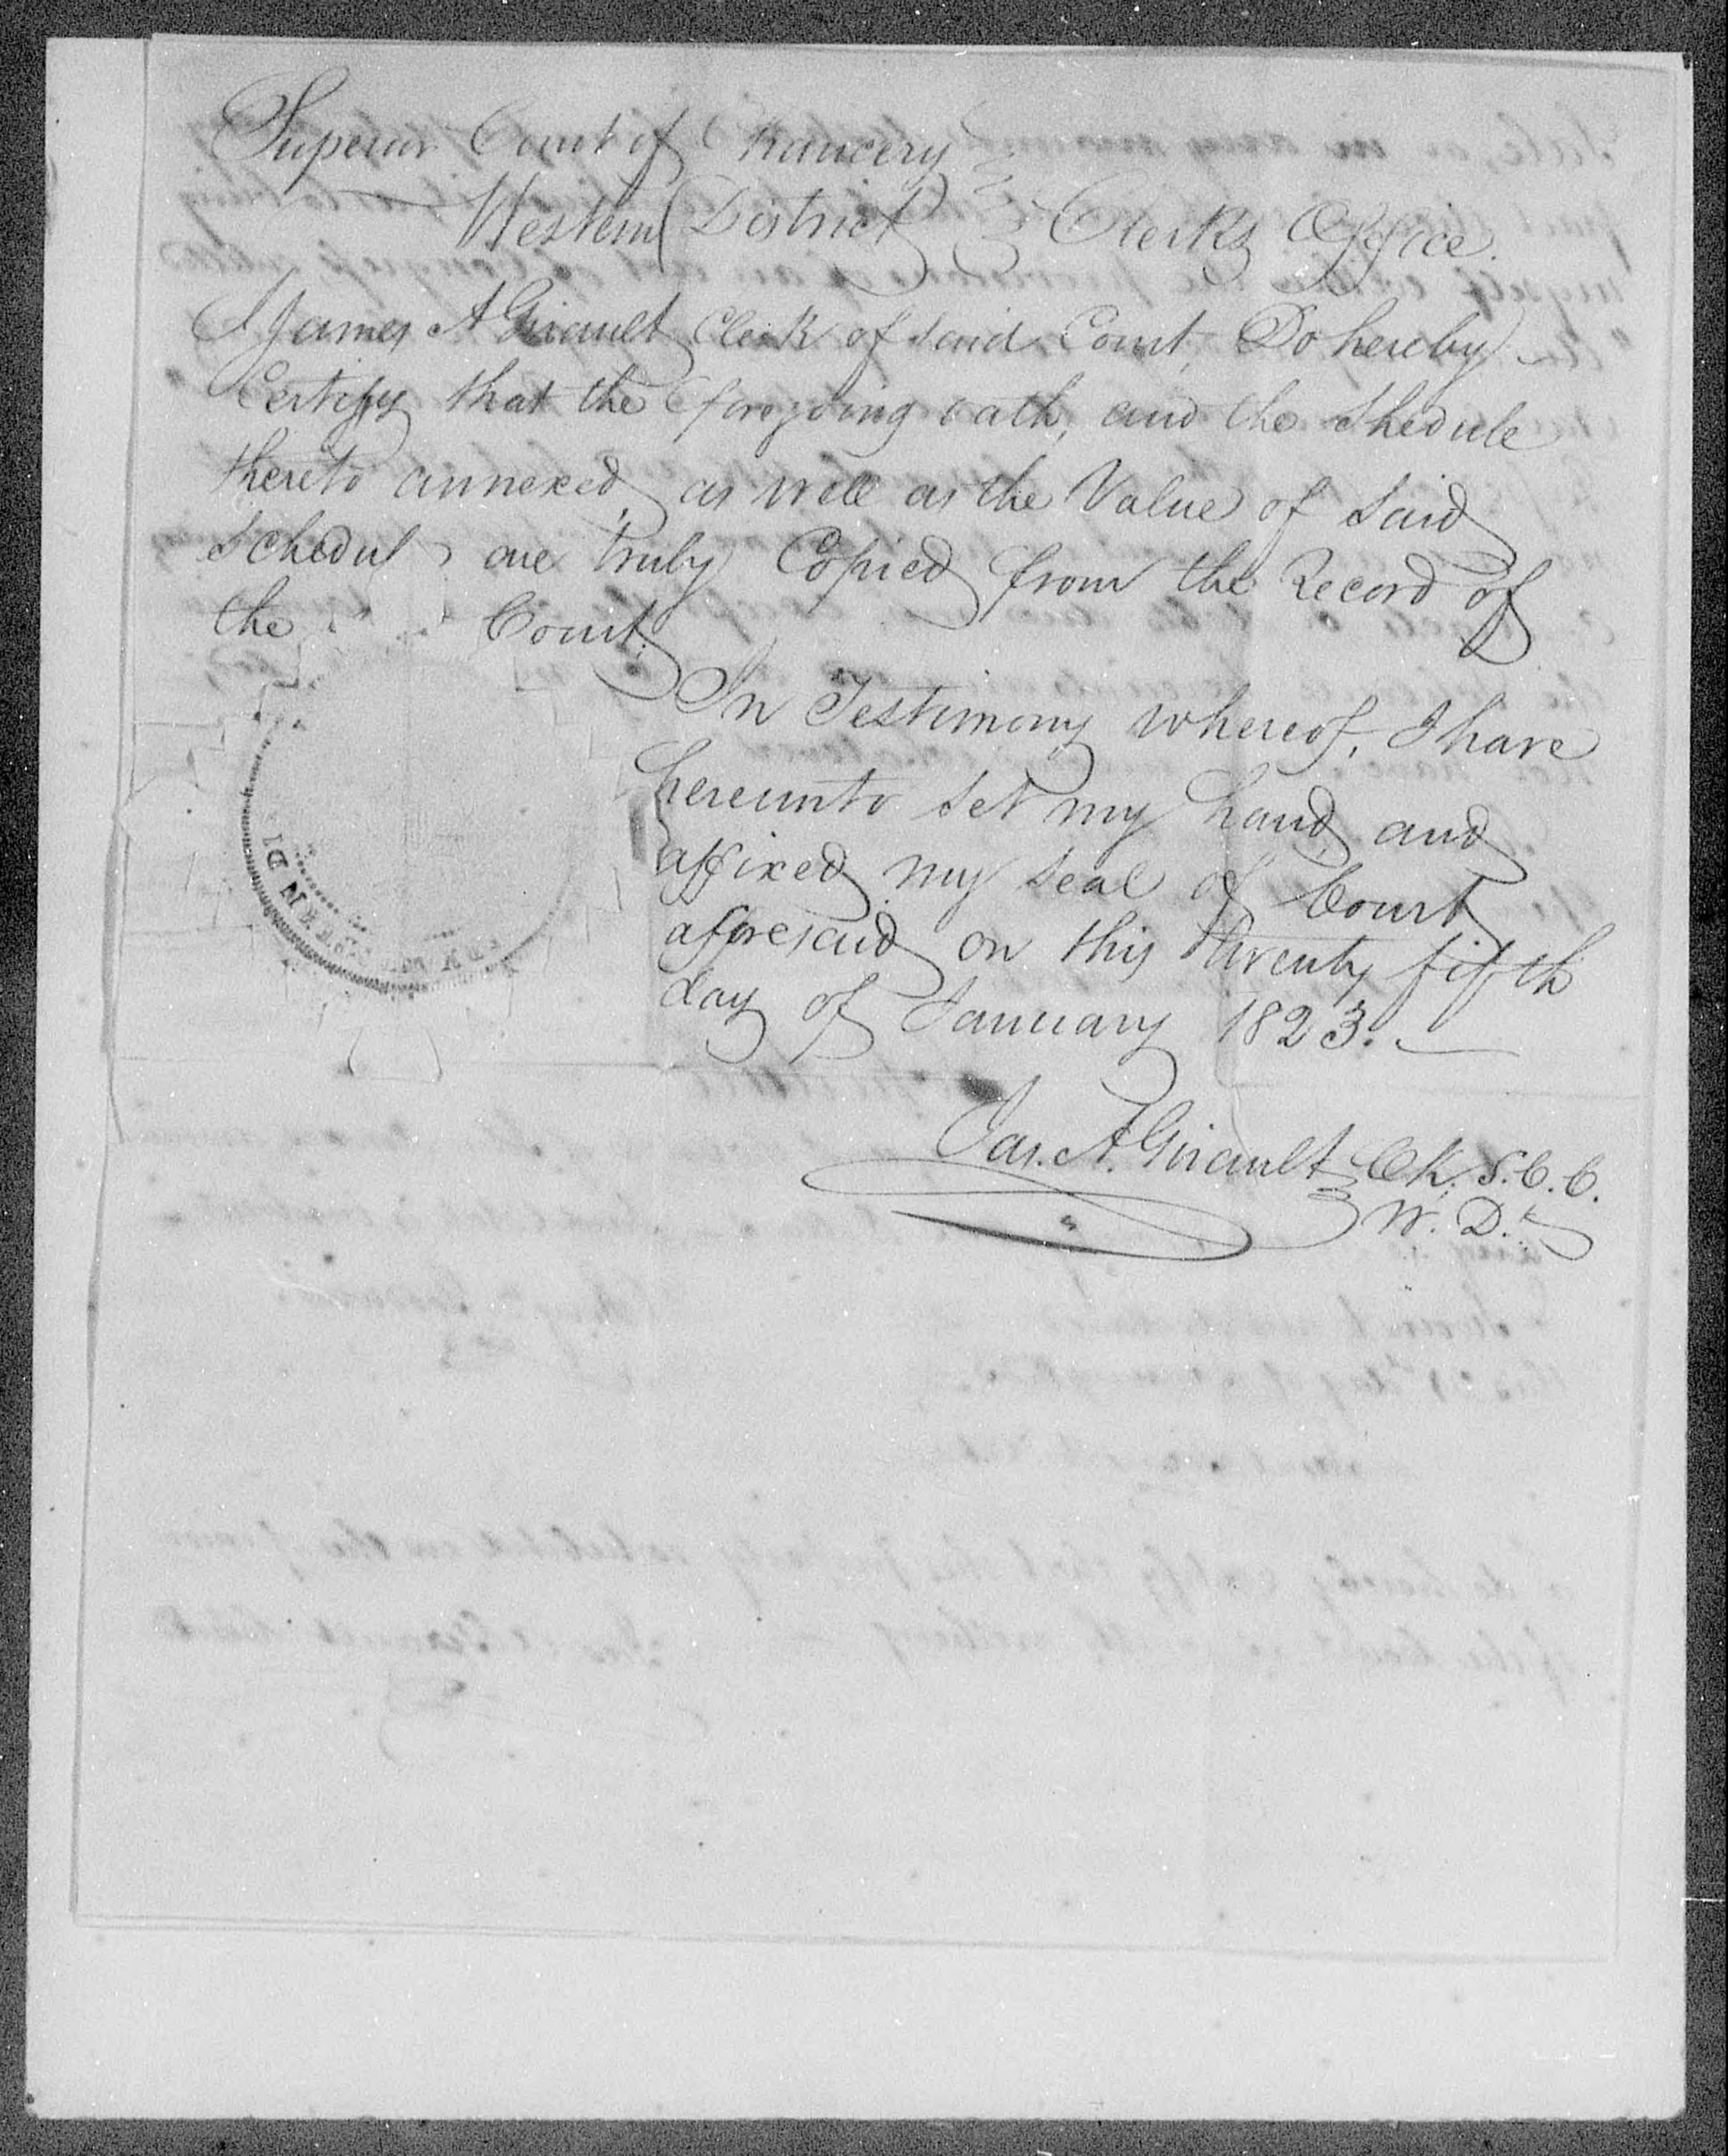Superior Court of Chancery
Western District{ Clerk's Office
I James A Girault Clerk of Said Court, Do hereby Certify that the foregoing oath, and the Schedule thereto annexed as well as the Value of Said Schedule, are truly Copied from the Record of the Court
In Testimony whereof, I have hereunto Set my hand and affixed my Seal of court aforesaid on this twenty fifth day of January 1823. -
Jas. A. Girault Ck. S.C.C.
W.D.
(seal) WESTERN DI[illegible]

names: Jas A Girault, James A Girault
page: 11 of 24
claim: survivor's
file: S. 34903, Benjamin Goodwin, Va.